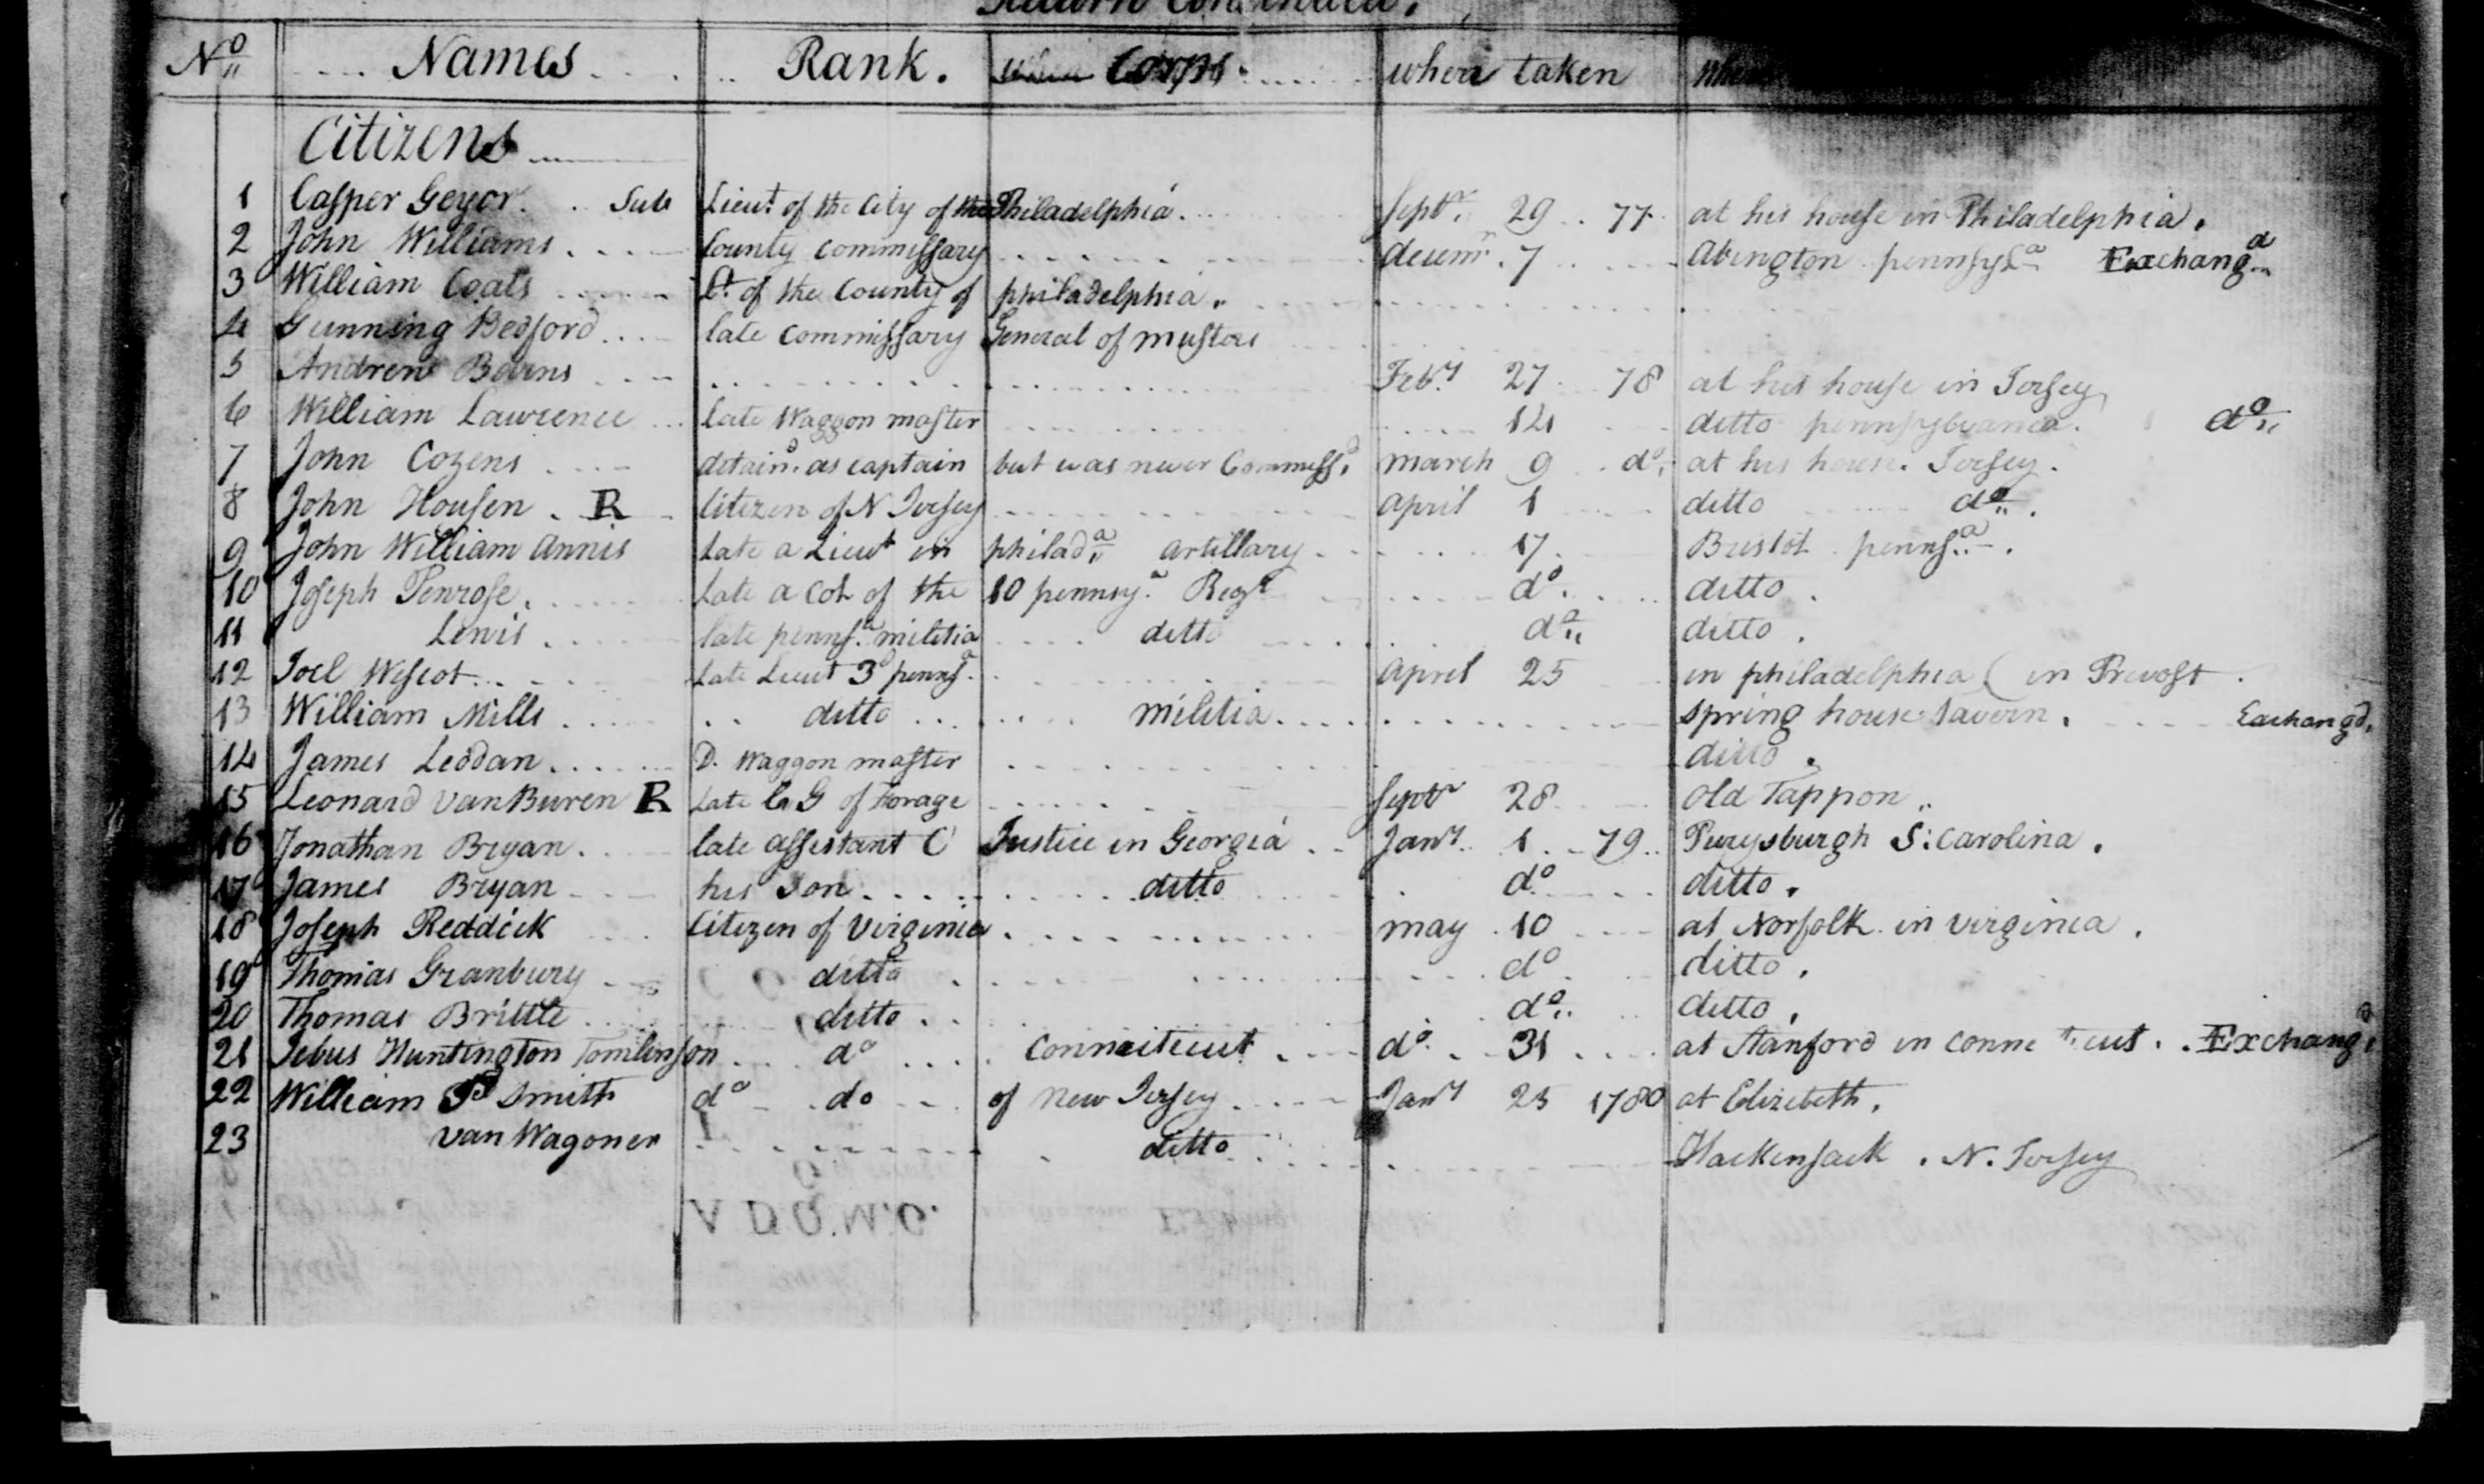Return Continued. 
[column headings] No. Names. Rank. Corps. when taken. where [illegible] 

Citizens
1 | Casper Geyor Sub | Lieut of the City of Philadelphia | ... | Septr 29 77 | at his house in Philadelphia. 
 2 | John Williams | County Commissary | ... | decemr 7 | Abington Pennsyla. Exchangd.
3 | William Coats | Lt of the County of Philadelphia | ... | ... | ...
4 | Gunning Bedford | late Commissary | General of Mustors | ... | ...
5 | Andrew Barns | ... | ... | Feby 27 78 | at his house in Jersey.
6 | William Lawrence | Late Waggon Master | ... | ...14 | ditto Pennsylvania. 
7 | John Cozens | detaind. as captain but was never Commissd. | March 9 do" | at his house Jersey. 
8 | John Housen R | Citizen of N Jersey | ... | April 1 | ditto.. do".
9 | John William Annis | Late a Lieut in | Philada artillary | .. 17 | Bristol Pennsa.
10 | Joseph Penrose | Late a Col of the | 10 Pennsya Regt | do" | ditto.
11 | //  Lewis | late penns. militia | ditto | do" | ditto. 
12 | Joel Wescot | Late Lieut 3 pennsa | ... | April  25 | in philadelphia (in Prevost.
13 | William Mills | ditto | Militia | ... | spring house tavern. Exchangd.
14 | James Leddan | D. Waggon Master | ... | ... | ditto. 
15 | Leonard Van Buren R | Late CG of Forage | ... | Septr 28 | Old Tappon. 
16 | Jonathan Bryan | late assistant C \ Justice in Georgia | Jany 1 79 | Purysburgh S. Carolina. 
17 | James Bryan | his son | ditto | do" | ditto. 
18 | Joseph Reddick | Citizen of Virginia | ... | May 10 | at Norfolk in Virginia. 
19 | Thomas Granbury | ditto | ... | do" | ditto. 
20 | Thomas Brittle | ditto | ... | do" | ditto.
21 | Jebus Huntington Tomlinson | do" | Connecticut | do" 31 | at Stanford in Connecticut. Exchangd. 
22 | William P Smith | do" do" | of New Jersey | Jany 25 1780 | at Elizebeth.
23 |  van Wagoner | ... | ditto | ... | Hackensack, N. Jersey.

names: Jebus Huntington Tomlinson, Joel Wescot, Lewis, Thomas Brittle, William P Smith, John Housen, James Bryan, William Coats, John William Annis, John Williams, Gunning Bedford, John Cozens, Jonathan Bryan, Andrew Barns, Van Wagoner, William Lawrence, Thomas Granbury, William Mills, Joseph Penrose, Joseph Reddick, James Leddan, Leonard Van Buren, Casper Geyor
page: 33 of 57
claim: survivor's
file: S. 2161, Hezekiah Davies, Penn